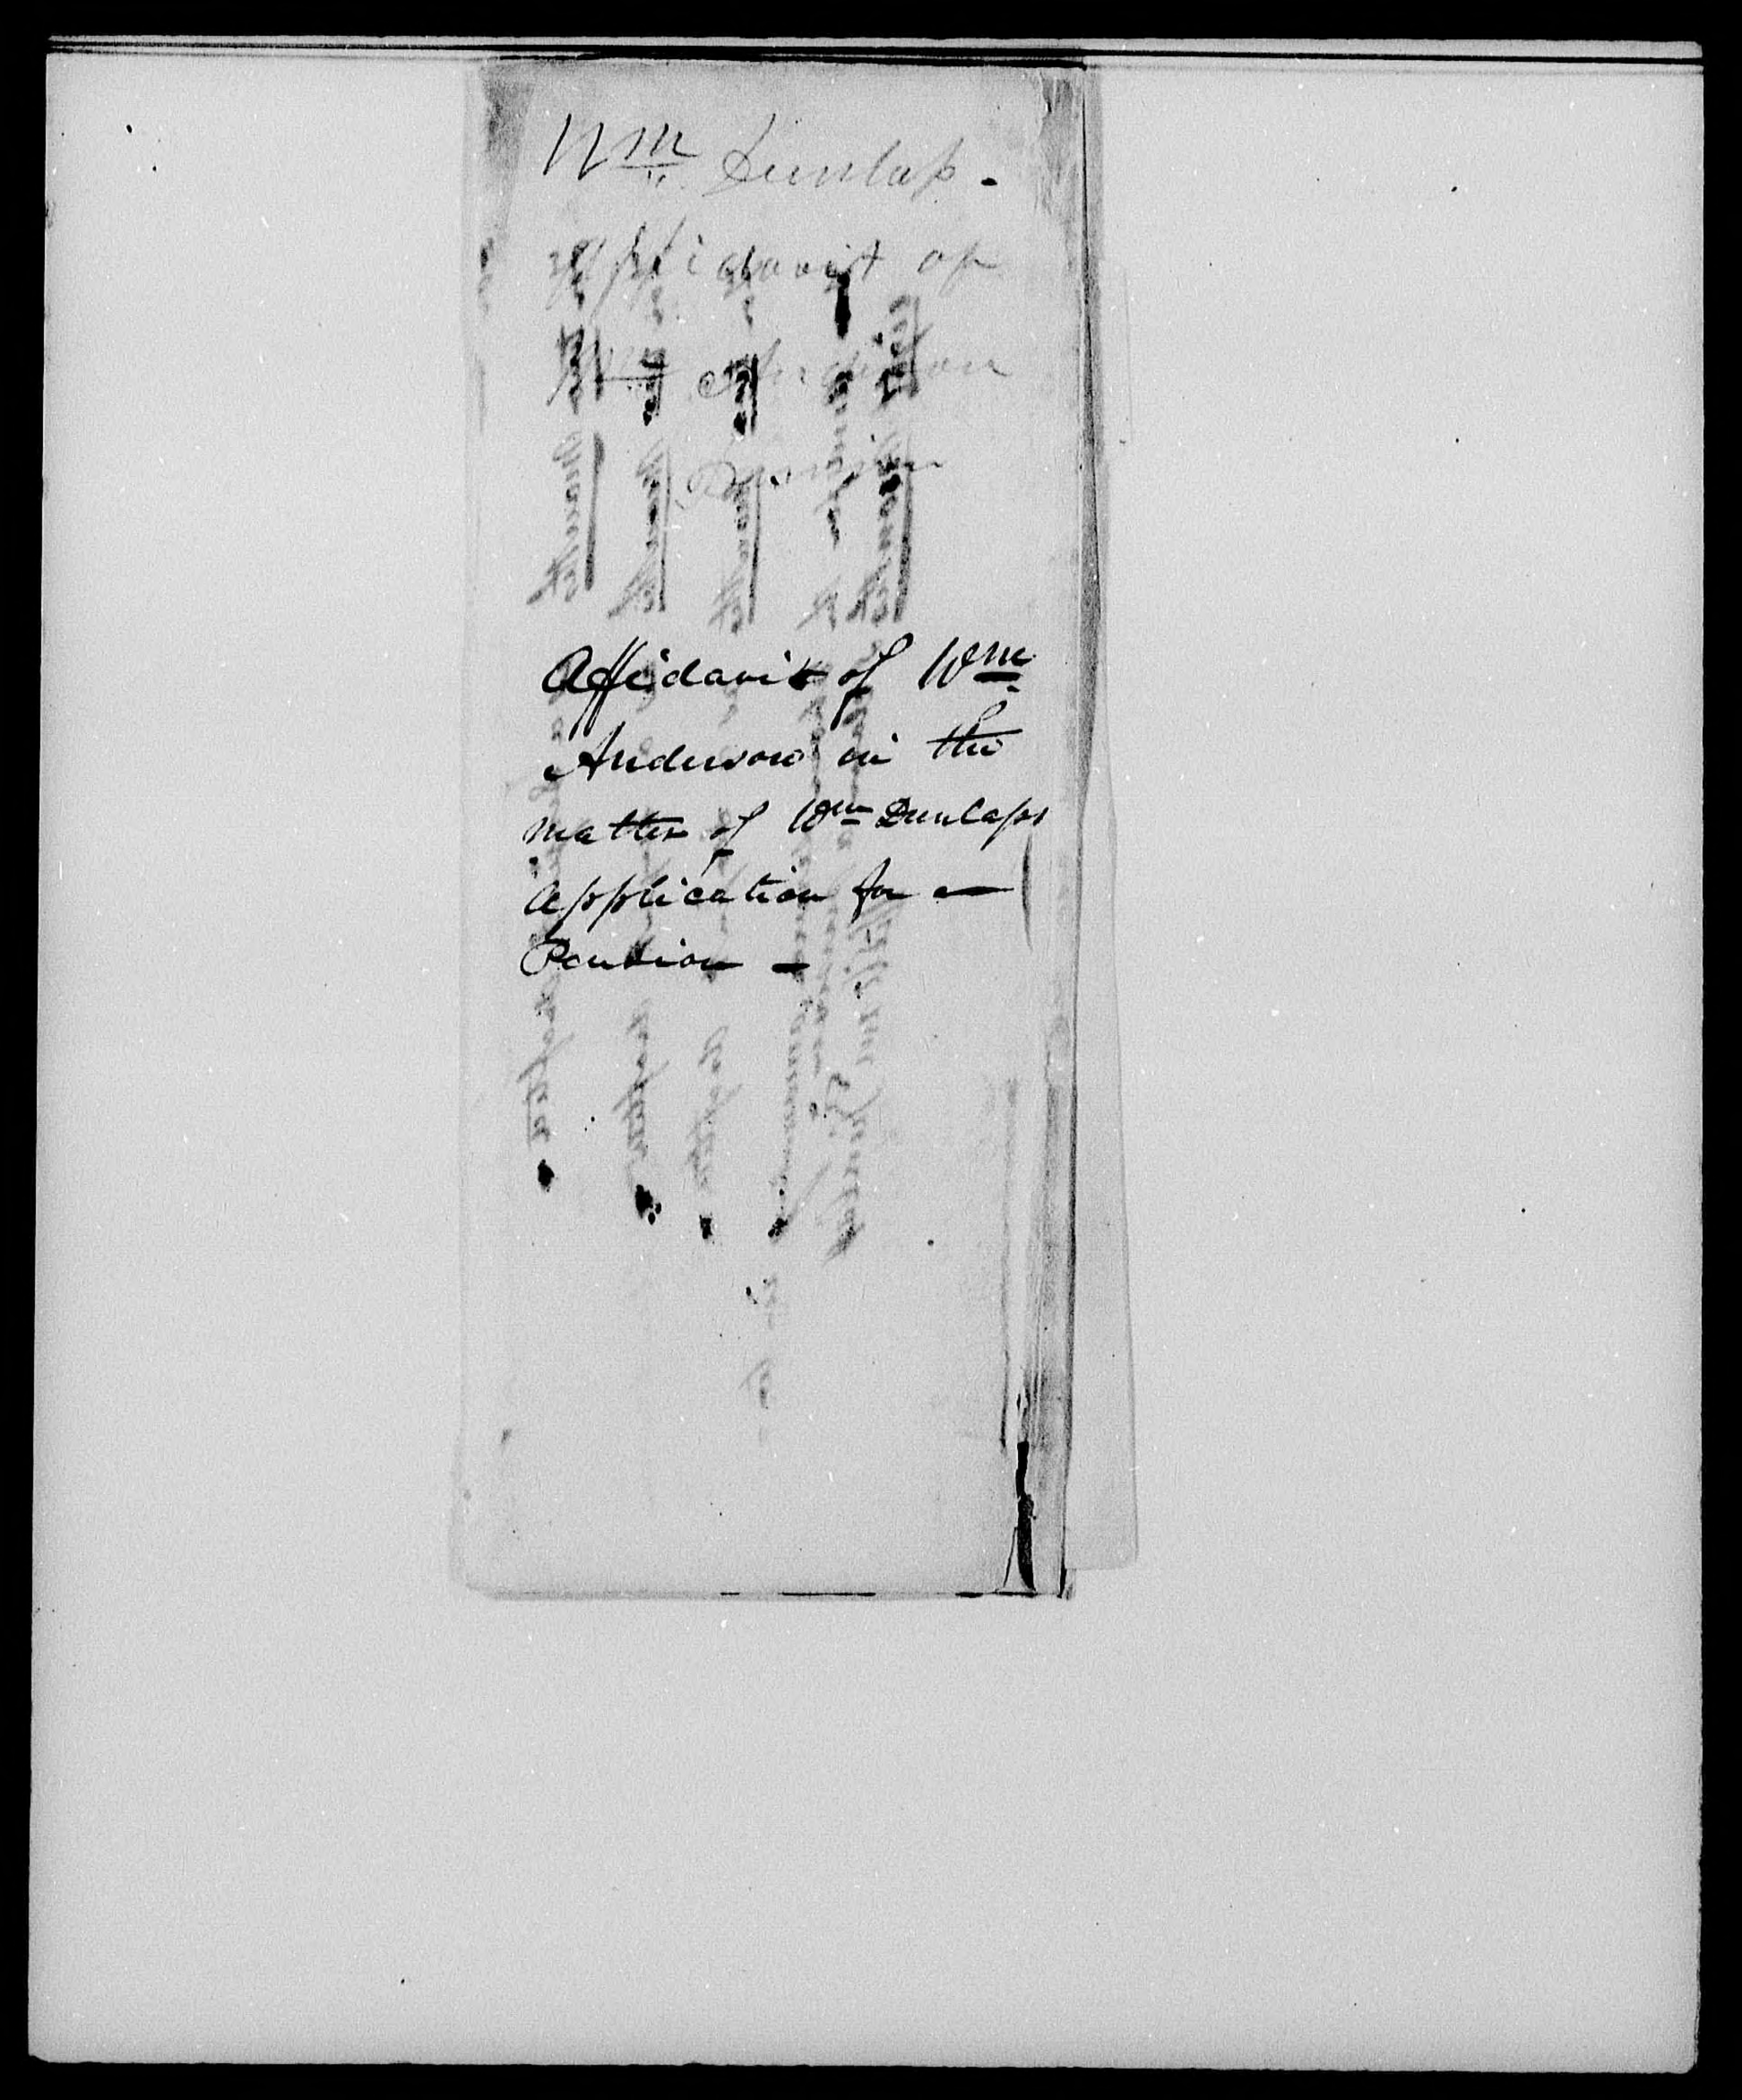Affidavit of Wm Anderson in the matter of Wm Dunlap Application for a Pension -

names: Wm Anderson, Wm Dunlap, Wm Dunlap, Wm Anderson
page: 18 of 24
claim: survivor's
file: S. 15,415, William Dunlap, Penn.